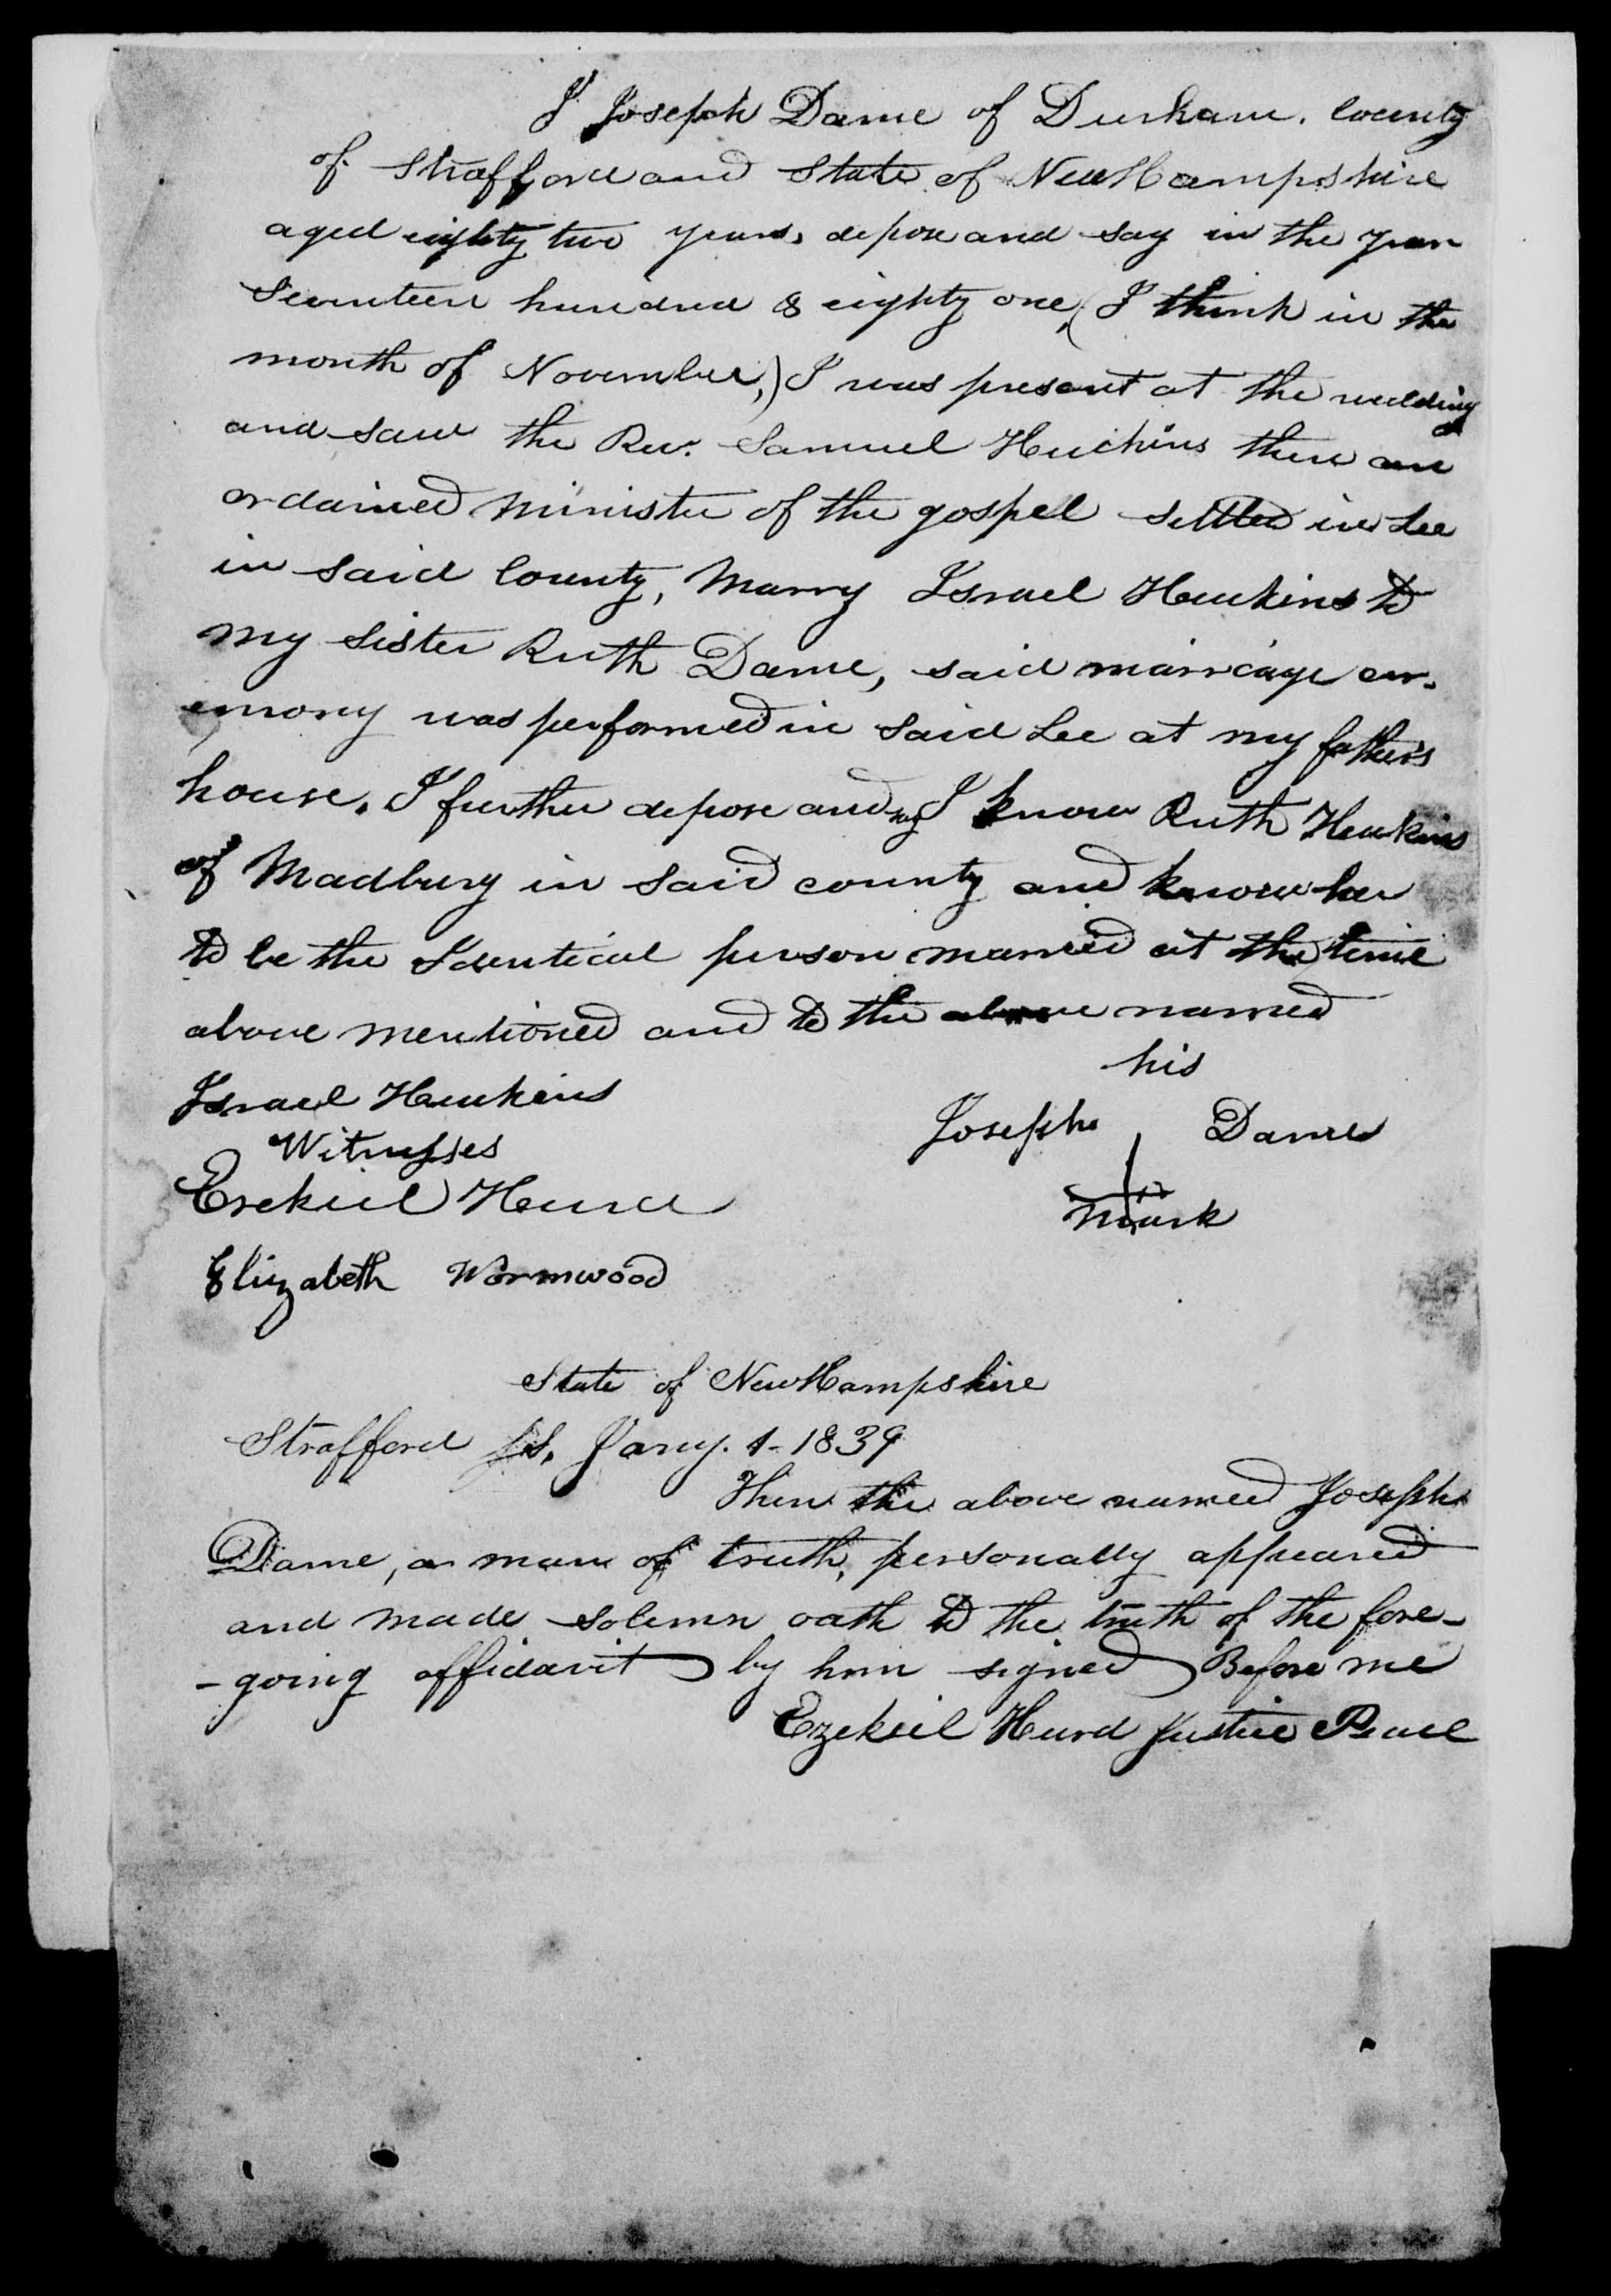I Joseph Dame of Durham, County of Strafford and State of New Hampshire aged eighty two years, depose and say in the year seventeen hundred & eighty one (I think in the month of November) I was present at the meeting and saw the Rev. Samuel Hutchins then an ordained minister of the gospel settled in Lee in said county, marry Israel Hawkins & my sister Ruth Dame, said marriage ceremony was performed in said Lee at my father’s house, I further depose and say I knew Ruth Hawkins of Madbury in said county and know her to be the identical person married at the time above mentioned and to the above named Israel Hawkins.

Witnesses:
Ezekiel Hance
Elizabeth Wormwood
Joseph Dame
his mark

State of New Hampshire
Strafford SS. January 4, 1838
Then the above named Joseph Dame a man of truth personally appeared and made solemn oath to the truth of the foregoing affidavit by him signed before me.

Ezekiel Hance Justice of the Peace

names: Ruth Dame, Ezekiel Hurd, Samuel Huckins, Elizabeth Wormwood, Israel Huckins, Joseph Dame, Ruth Huckins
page: 8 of 35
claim: widow's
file: W. 16127, Israel Huckins, N.H.